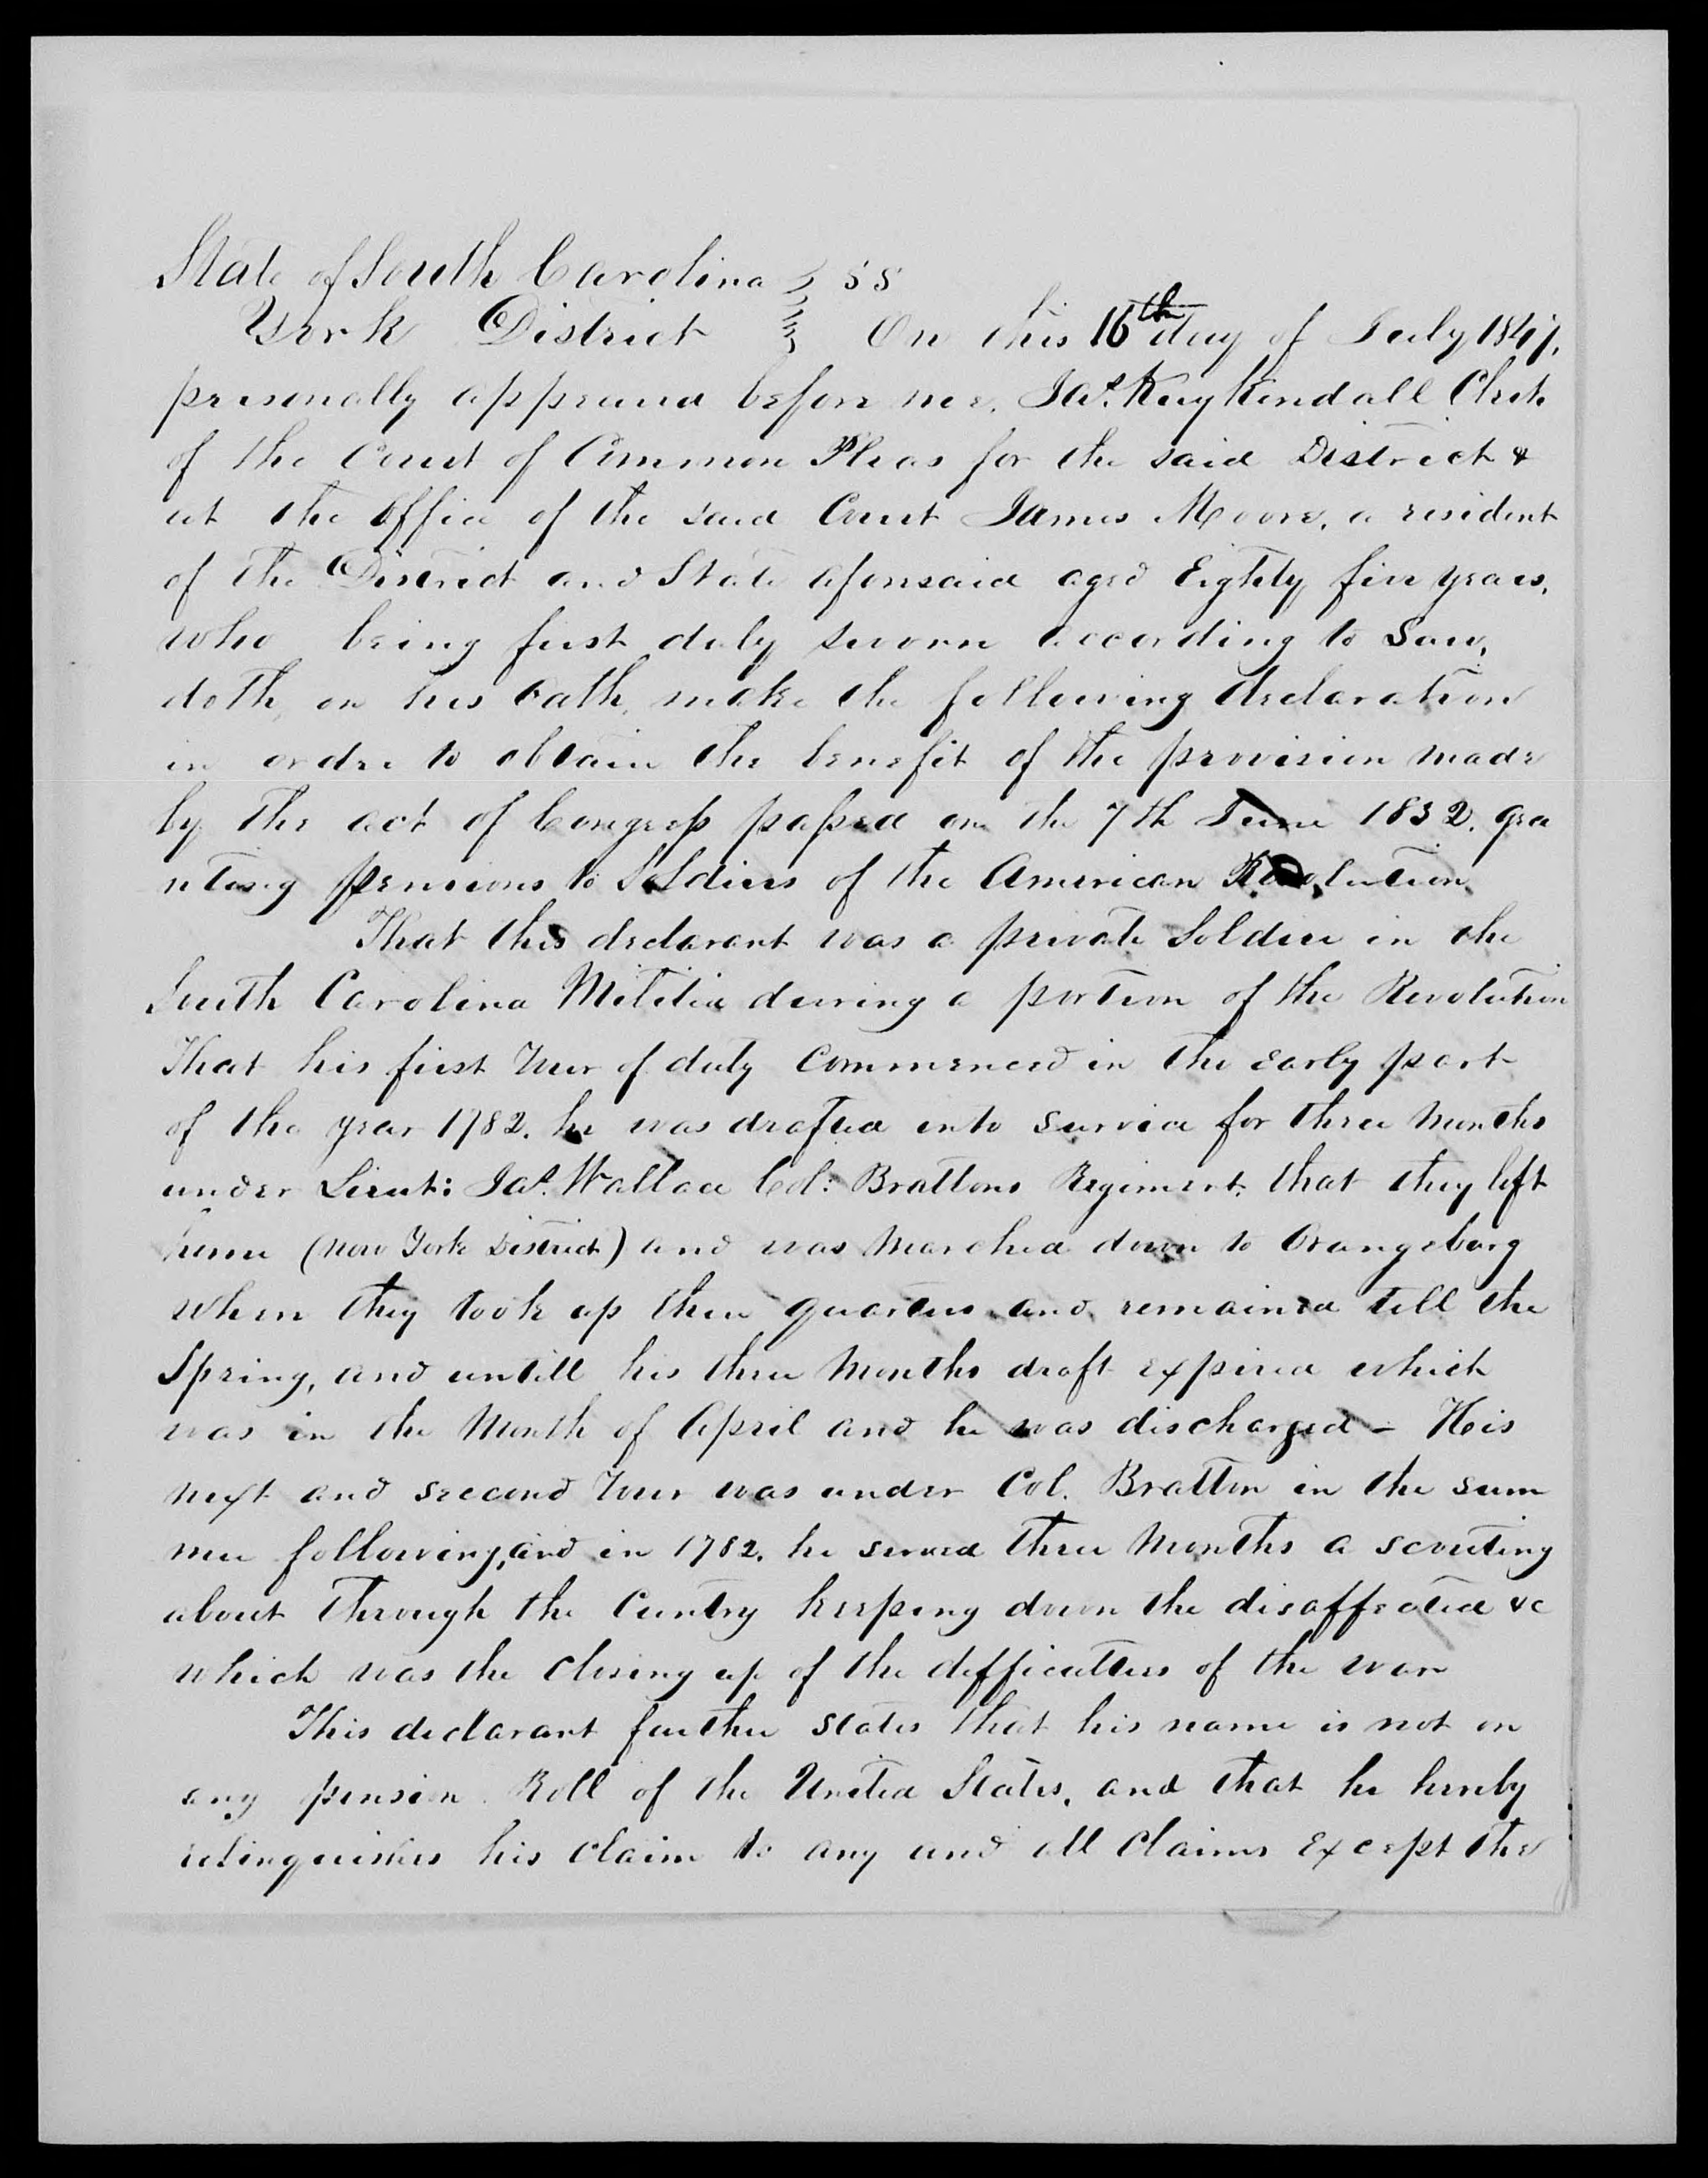State of South Carolina ⎬
York District
On this 16th day of July 1841
personally appeared before me, J. Kuykendall  of the Court of Common Pleas for the said District & at the office of the said Court James Moore, a resident of the District and State aforesaid aged Eighty five years
who being first duly sworn according to law
doth on his oath make the following declaration in order to obtain the benefit of the provision made by the act of Congress passed on the 7th June 1832 granting pensions to Soldiers of the American Revolution
That this declarant was a private Soldier in the
South Carolina Militia during a portion of the Revolution
That his first tour of duty commenced in the early part of the year 1782. he was drafted into service for three months under Lieut. Jas Wallace Col. Bratton's Regiment. that they left
here (now York District) and was marched down to Orangeburg where they took up their quarters and remained till the Spring, and untill his three months draft expired which was in the month of April and he was discharged - his next and second hour was under Col. Bratton in the summer following, and in 1782, he served three months a scouting about through the country keeping down the disaffected which was the closing up of the difficulties of the war
This declarant further states that his name is not on any pension Roll of the United States, and that he hereby relinquishes his claim to any and all claims except the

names: James Moore; [BLANK] Bratton; Jas Kery Kendall; Jas Wallace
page: 3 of 17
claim: rejected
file: R 7329, for James More, South Carolina